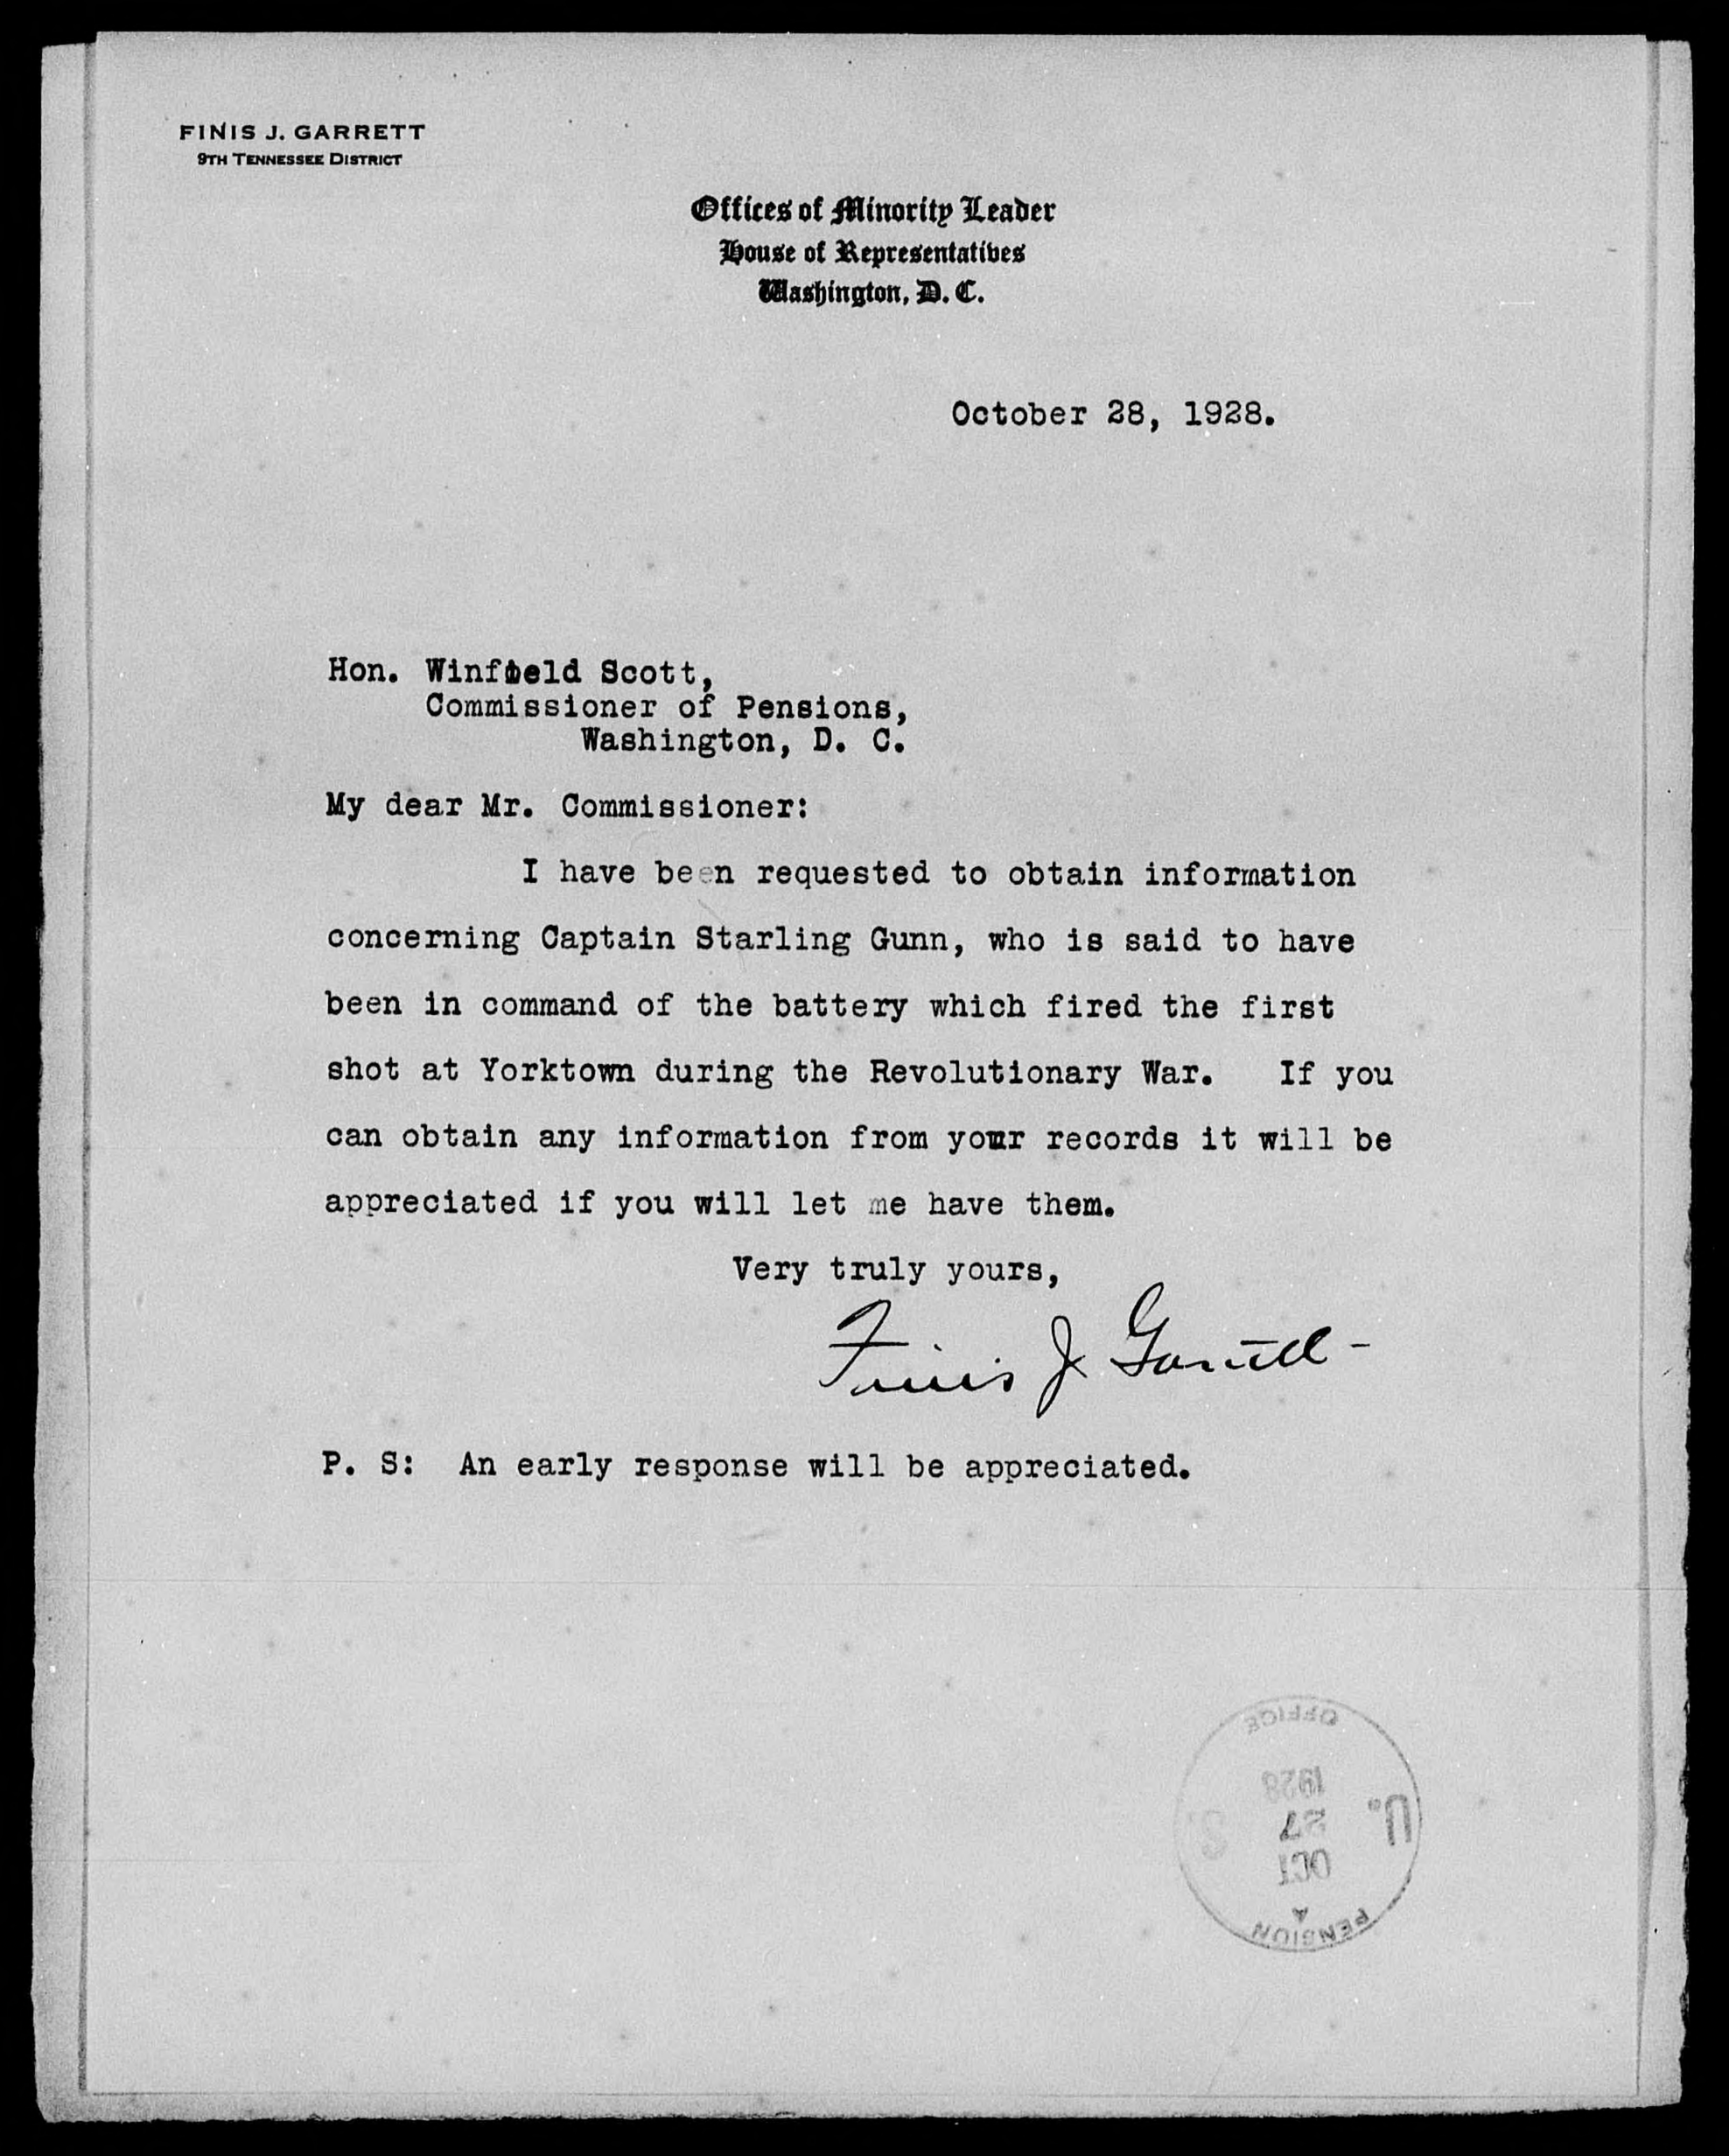FINIS J. GARRETT 9TH TENNESSEE DISTRICT Offices of Minority Leader House of Representatives Washington, D.C. 
October 28, 1928. 
Hon. Winfield Scott, Commissioner of Pensions, Washington, D. C. 
My dear Mr. Commissioner: I have been requested to obtain information concerning Captain Starling Gunn, who is said to have been in command of the battery which fired the first shot at Yorktown during the Revolutionary War. If you can obtain any information from your records it will be appreciated if you will let me have them. 
Very truly yours, 
Finis J Garrett 
P. S. An early response will be appreciated.

[Stamp:]
U.S. PENSION OFFICE
OCT 27  1928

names: Starling Gunn, Finis J Garrett, Winfield Scott, Finis J Garrett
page: 40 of 58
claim: survivor's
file: S. 6,941, Starling Gunn, Continental Va.